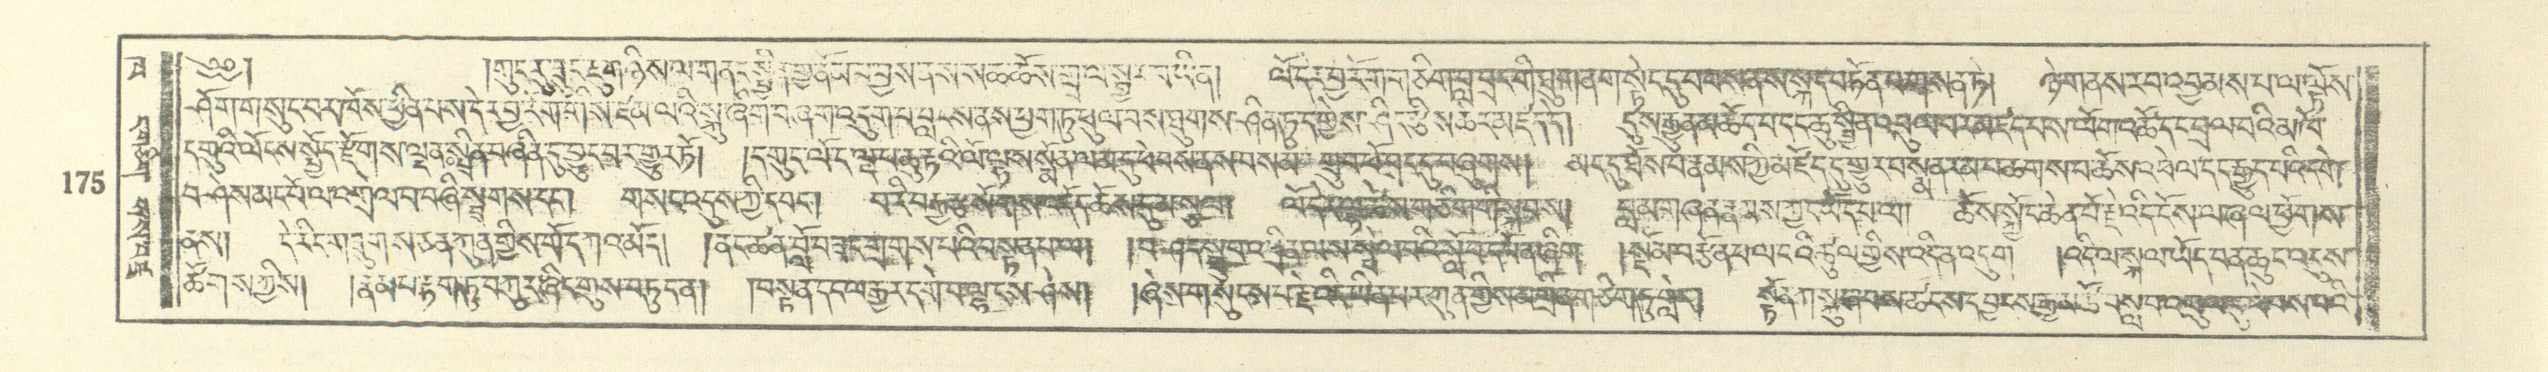༄༅། །གུང་དུ་ཟུང་ཇུ་གཉིས་ལ་གནང་སྦྱིན་གྱ་ནོམ་པ་བྱས་ནས་ས་ཆ་ཆོས་གྲྭ་ལ་སྦྱར་བ་ཡིན། ལོ་དེར་བྱ་རོག་གཅིག་བླ་བྲང་གི་ཐུག་ནག་སྟེང་དུ་བབས་ནས་སྐད་བཏོན་པ་གསན་ཏེ། ཉེ་གནས་རབ་འབྱམས་པ་ལ་ལྟོས་
ཤོག་གསུང་བར་ཁོས་ཕྱིན་པས་དེར་བྱ་རོག་གིས་ཛམ་ལའི་སྐུ་ཞིག་བཞག་འདུག་པ་བླངས་ནས་ཕྱག་ཏུ་ཕུལ་བས་ཐུགས་ཤིན་ཏུ་དགྱེས་ཤིང་རྩིས་ཆེར་མཛད་དེ། དུས་རྒྱུན་མཆོད་པ་དད་ཆུ་སྦྱིན་འབུལ་བར་མཛད་པས་ལོག་འཚོ་དང་བྲལ་བའི་མཁོ་
དགུའི་ལོངས་སྤྱོད་རྫོགས་ལྡན་སྤྲིན་བཞིན་དུ་བྱུང་བར་གྱུར་ཏོ། །དགུང་ལོ་ང་ལྔ་པ་ཆུ་རྟའི་ལོ་ལྷ་ས་སྨོན་ལམ་དུ་ཕེབས་ནས་བསམ་གྲུབ་ཕོ་བྲང་དུ་བཞུགས། མང་དུ་ཐོས་པ་རྣམས་ཀྱི་མཛོད་དུ་གྱུར་བ་སྨན་རམ་པ་ཆགས་པ་ཆོས་འཕེལ་དང་རྒྱུད་པའི་དགེ་
བཤེས་མང་པོ་ལ་འགྲེལ་པ་བཞི་སྦྲགས་དང་། གསང་འདུས་ཀྱི་དབང་། བ་རི་བརྒྱ་རྩ་སོགས་འདོད་ཆོས་དུ་མ་སྩལ། ལོ་དེར་ལྷ་ཚེས་གཅིག་གི་སྐབས། བླ་མ་གཞན་རྣམས་ཀྱང་ཡོད་པ་ལ། ཆོས་སྐྱོང་ཆེན་པོ་རྗེ་འདི་ངོས་ལ་ཞལ་ཕྱོགས་
ནས། དེ་རིང་གཟུགས་ཅན་ཀུན་གྱིས་གོ་དཀའ་མོད། །ནང་ཚན་བློ་བཟང་གྲགས་པའི་བསྟན་པ་ལ། །བཤད་སྒྲུབ་འཕྲིན་ལས་སྤེལ་བའི་སློབ་དཔོན་ཞིག །སྔོམ་བརྩོན་ཕལ་བའི་ཚུལ་གྱིས་འདི་ན་འདུག །འདི་ལ་སྐལ་ཡོད་བན་ཆུང་འདུས་
ཚོགས་ཀྱིས། །རྣམ་པ་རྟག་ཏུ་བཀུར་ཞིང་གུས་བཏུད་ན། །བསྟན་དང་ལ་རྒྱར་དགེ་བ་ལྷ་གནས་ཤེས། །ཞེས་གསུངས་པ་རྗེ་འདི་ཡིན་པར་ཀུན་གྱིས་མགྲིན་གཅིག་ཏུ་གླེང་། སྟོན་ཀ་སྐུ་ཞབས་ཚངས་དབྱངས་རྒྱ་མཚོ་བསླབ་འབུལ་དུ་ཕེབས་པའི་